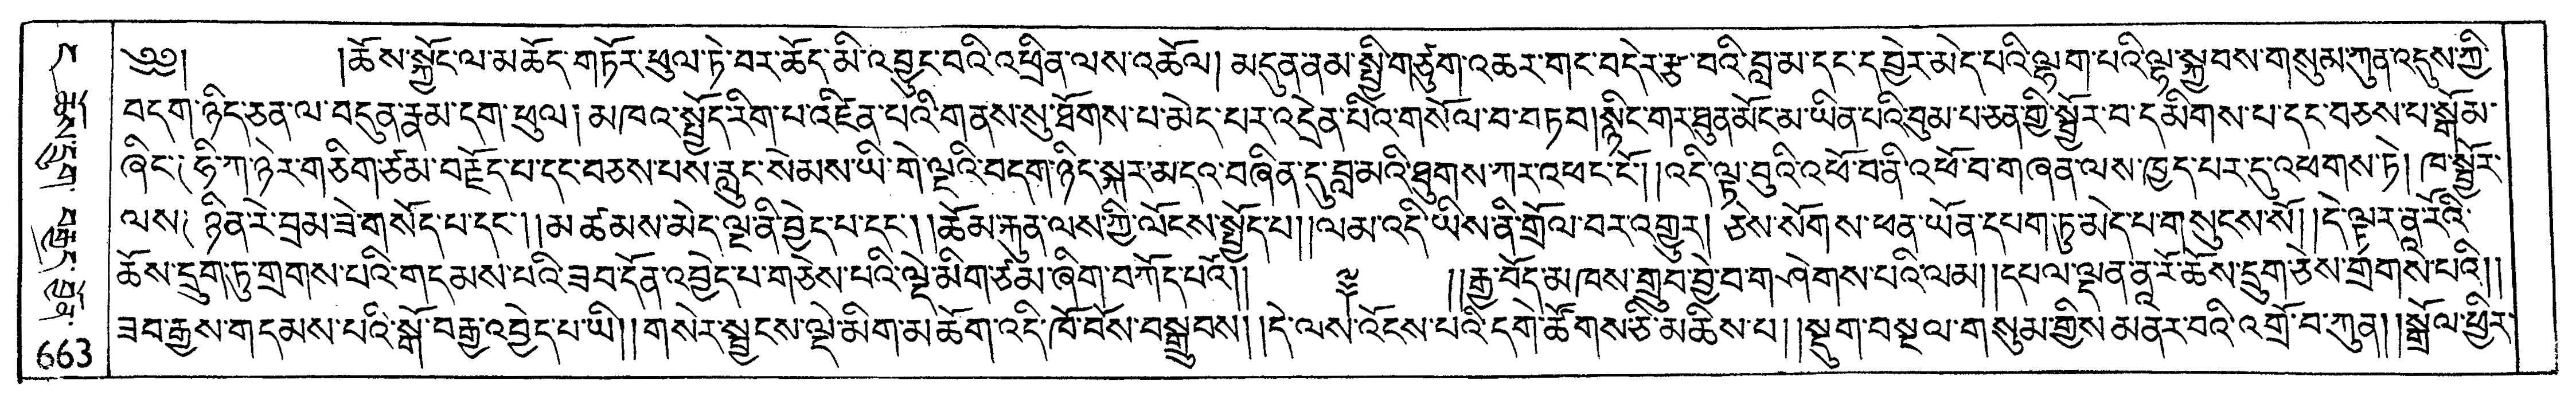༄༅། །ཆོས་སྐྱོང་ལ་མཆོད་གཏོར་ཕུལ་ཏེ་བར་ཆོད་མི་འབྱུང་བའི་འཕྲིན་ལས་འཆོལ། མདུན་ནམ་སྤྱི་གཙུག་འཆར་གང་བདེར་རྩ་བའི་བླ་མ་དང་དབྱེར་མེད་པའི་ལྷག་པའི་ལྷ་སྐྱབས་གསུམ་ཀུན་འདུས་ཀྱི་
བདག་ཉིད་ཅན་ལ་བདུན་རྣམ་དག་ཕུལ། མཁའ་སྤྱོད་རིག་པ་འཛིན་པའི་གནས་སུ་ཐོགས་པ་མེད་པར་འདྲེན་པའི་གསོལ་བ་བཏབ། སྙིང་གར་ཐུན་མོང་མ་ཡིན་པའི་བུམ་པ་ཅན་གྱི་སྦྱོར་བ་དམིགས་པ་དང་བཅས་པ་སྒོམ་
ཞིང་། ཧི་ཀ་ཉེར་གཅིག་ཙམ་བརྗོད་པ་དང་བཅས་པས་རླུང་སེམས་ཡི་གེ་ལྔའི་བདག་ཉིད་སྐར་མདའ་བཞིན་དུ་བླ་མའི་ཐུགས་ཀར་འཕང་ངོ། །འདི་ལྟ་བུའི་འཕོ་བ་ནི་འཕོ་བ་གཞན་ལས་ཁྱད་པར་དུ་འཕགས་ཏེ། ཁ་སྦྱོར་
ལས། ཉིན་རེ་བྲམ་ཟེ་གསོད་པ་དང་། །མཚམས་མེད་ལྔ་ནི་བྱེད་པ་དང་། །ཆོམ་རྐུན་ལས་ཀྱི་ལོངས་སྤྱོད་པ། །ལམ་འདི་ཡིས་ནི་གྲོལ་བར་འགྱུར། ཅེས་སོགས་ཕན་ཡོན་དཔག་ཏུ་མེད་པ་གསུངས་སོ། །དེ་ལྟར་ནཱ་རོའི་
ཆོས་དྲུག་ཏུ་གྲགས་པའི་གདམས་པའི་ཟབ་དོན་འབྱེད་པ་གཅེས་པའི་ལྡེ་མིག་ཙམ་ཞིག་བཀོད་པའོ།། ༈ །།རྒྱ་བོད་མཁས་གྲུབ་བྱེ་བ་གཤེགས་པའི་ལམ། །དཔལ་ལྡན་ནཱ་རོ་ཆོས་དྲུག་ཅེས་གྲགས་པའི།།
ཟབ་རྒྱས་གདམས་པའི་སྒོ་བརྒྱ་འབྱེད་པ་ཡི། །གསེར་སྦྱངས་ལྡེ་མིག་མཆོག་འདི་ཁོ་བོས་བསྒྲུབས། །དེ་ལས་འོངས་པའི་དགེ་ཚོགས་ཅི་མཆིས་པ། །སྡུག་བསྔལ་གསུམ་གྱིས་མནར་བའི་འགྲོ་བ་ཀུན། །སྒྲོལ་ཕྱིར་